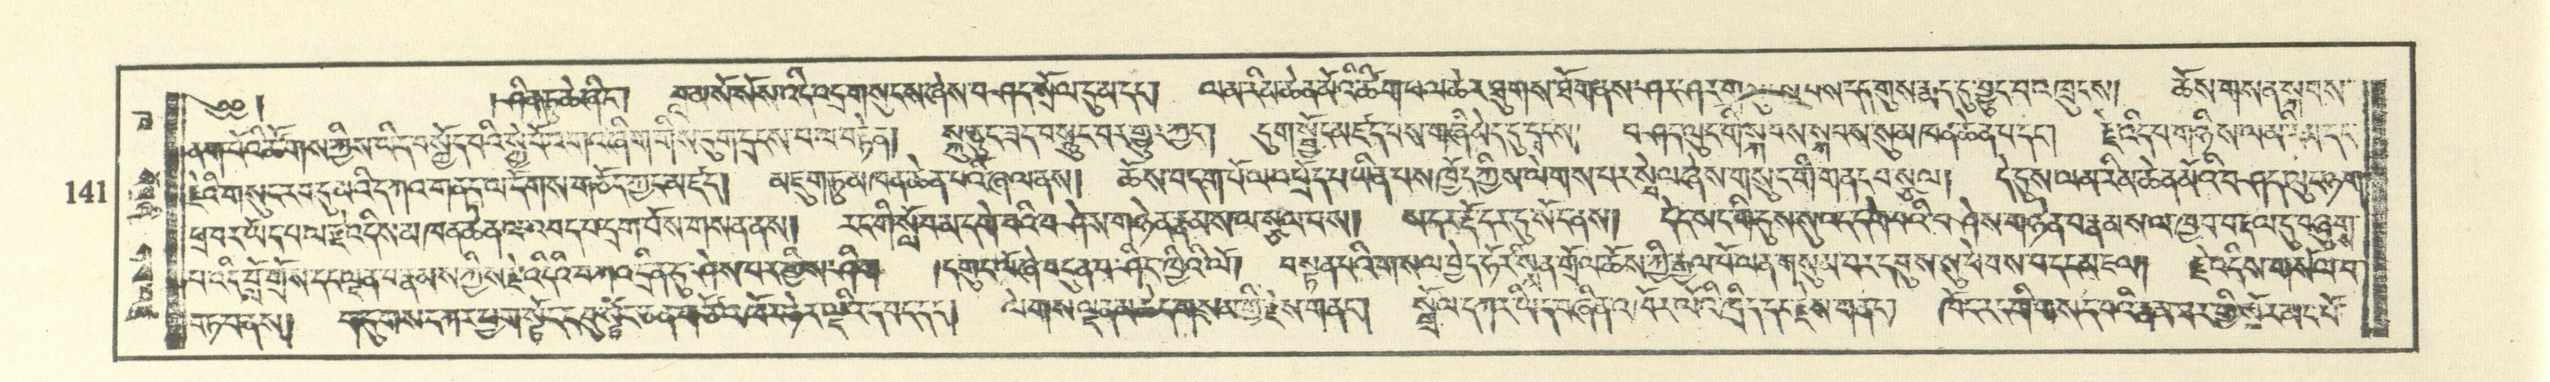༄༅། །ཤིན་ཏུ་ཆེ་ཞིང་། བླ་མ་སོ་སོས་འདི་འདྲ་གསུངས་ཞེས་བཤད་སྲོལ་དུ་མ་དང་། ལམ་རིམ་ཆེན་མོའི་ཚིག་ཕལ་ཆེར་ཐུགས་ཐོག་ནས་ཤར་ཤར་གསུངས་པས་དད་གུས་རྨད་དུ་བྱུང་བ་འཁྲུངས། ཆོས་གསན་སྐབས་
ནག་པོའི་ཚོགས་ཀྱིས་ཡིད་བསྐྱོད་པའི་སྐྱེ་བོ་འགའ་ཞིག་གིས་དུག་དྲངས་པ་ལ་བརྟེན། སྐུ་ཅུང་ཟད་བསྙུང་བར་གྱུར་ཀྱང་། དུག་སྦྱོང་མཛད་པས་གཞི་མེད་དུ་དྭངས། བཤད་ལུང་གི་སྐབས་སྐབས་སུ་མཁན་ཆེན་པ་དང་། རྗེ་འདི་པ་གཉིས་ལམ་རིམ་དང་
རྗེའི་གསུང་རབ་དུ་མའི་དཀའ་གནད་ལ་དོགས་གཅོད་ཀྱང་མཛད། མཇུག་ཏུ་མཁན་ཆེན་པའི་ཞལ་ནས། ཆོས་བདག་པོ་ལ་འཕྲོད་པ་ཡིན་པས་ཁྱོད་ཀྱིས་ལེགས་པར་སྤེལ་ཞེས་གསུངས་གི་གནང་བ་སྩལ། དེ་དུས་ལམ་རིམ་ཆེན་མོའི་བཤད་ལུང་ཉག་
ཕྲ་བར་ཡོད་པ་ལ་རྗེ་འདིས་མཁན་ཆེན་ལ་འབད་པ་དྲག་པོས་གསན་ནས། རང་གི་སློབ་མ་དགེ་བའི་བཤེས་གཉེན་རྣམས་ལ་སྩལ་པས། ས་དང་རྡོ་དར་དུ་སོང་ནས། དེང་སང་གི་དུས་སུའང་དགེ་བའི་བཤེས་གཉེན་པ་རྣམས་ལ་ཁྱབ་བརྡལ་དུ་བཞུགས་
པ་འདི་བློ་གྲོས་དང་ལྡན་པ་རྣམས་ཀྱིས་རྗེ་འདིའི་བཀའ་དྲིན་དུ་ཤེས་པར་གྱིས་ཤིག །དགུང་ལོ་ཞེ་བདུན་པ་ཤིང་ཁྱིའི་ལོ། བསྟན་པའི་གསལ་བྱེད་ཧོར་སྨིན་གྲོལ་ཆོས་ཀྱི་རྒྱལ་པོ་ལན་གསུམ་པར་དབུས་སུ་ཕེབས་པ་དང་མཇལ། རྗེ་འདིས་གསོལ་བ་
བཏབ་ནས། གདུགས་དཀར་ཕྱག་སྟོང་དབུ་སྟེང་ཅན་གཙོ་འཁོར་ཉེར་ལྔའི་དབང་དང་། ལེགས་ལྡན་མཆེད་གསུམ་གྱི་རྗེས་གནང་། སྒྲོལ་དཀར་ཡིད་བཞིན་འཁོར་ལོའི་ཁྲིད་དང་རྗེས་གནང་། ཁོང་རང་གི་གསང་བའི་རྣམ་ཐར་གྱི་སྐོར་མང་པོ་